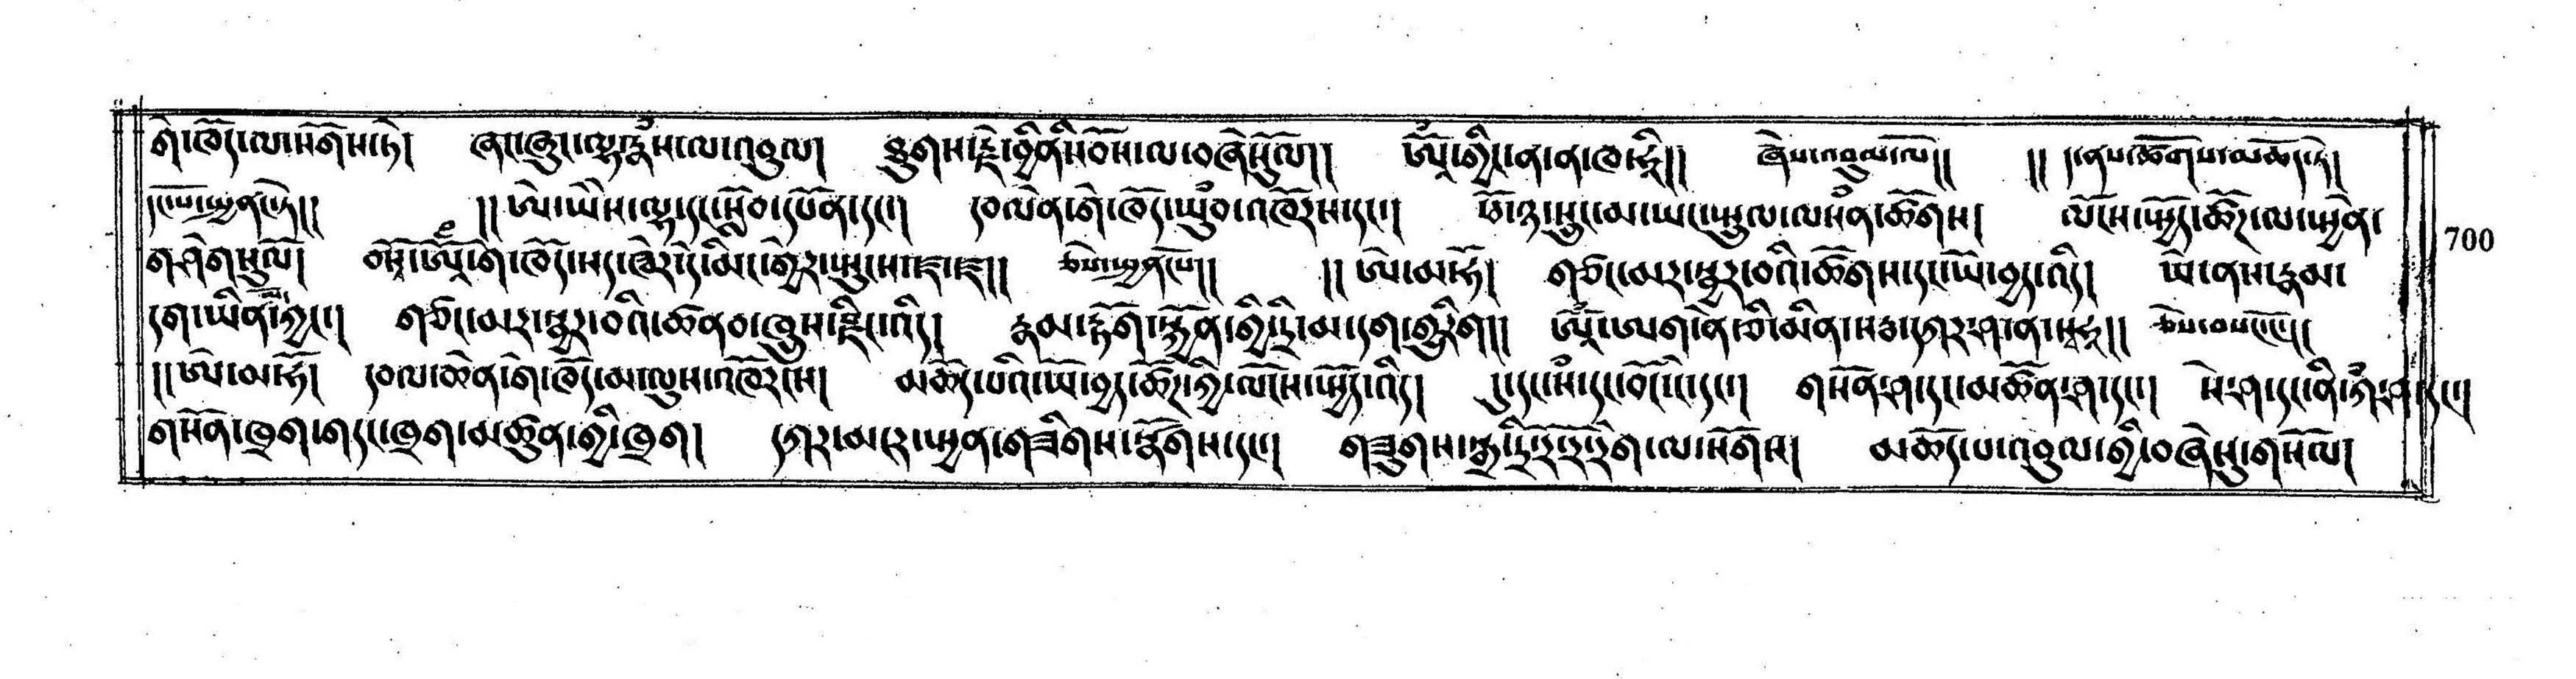གེ་ཁོད་ལ་སོགས་ཏེ། ཞང་ཞུང་ལྷ་རིགས་རྣམས་ལ་འབུལ། ཐུགས་རྗེ་བྱིན་གྱིས་རློབས་ལ་བཞེས་སུ་གསོལ།། ཨཱོཾ་གྱིང་ན་ན་ཁ་ཧཱི།། ཞེས་འབྲུལ་ལོ།། །།དེ་ནས་ཚོགས་མཆོད་ཏེ། 
དང་པོ་སྤྱན་དྲངས་ཏེ།། །།ཨེ་ཡེ་ཤེས་ལྷ་དང་སློབ་དཔོན་དང་། དབལ་ཆེན་གེ་ཁོད་ཡབ་ཡུམ་འཁོར་བཅས་དང་། ཕོ་ཉ་སྲུང་མ་ཡང་སྤྲུལ་ལས་མཁན་ཚོགས། ལོངས་སྤྱོད་ཚོགས་ལ་སྤྱན་འདྲེན་
གཤེགས་སུ་གསོལ། བསྭོ་ཨཱོཾ་གེ་ཁོད་སད་ཝེར་དེ་མིང་གྱེར་སྤུངས་ཛ་ཛ།། ཅེས་སྤྱན་དྲངས་སོ།། །།ཨེ་མ་ཧོ། གཙང་མར་སྦྱར་བའི་ཚོགས་དང་ཡོ་བྱད་འདི། ཡེ་ནས་རྣམ་
དག་ཡིན་མོད་ཀྱང་། གཙང་མར་སྦྱར་བའི་ཚན་ཆབ་ཁྲུས་རྫིང་འདི། རྣམ་རྟོག་སྐྱོན་གྱི་དྲི་མ་དག་གྱུར་ཅིག ཨཱོཾ་ཨག་ནེ་ཅི་མིན་སརྦ་དཀར་ཤ་སྭཧཱ།། ཅེས་བསང་ངོ་།། 
།།ཨེ་མ་ཧོ། དབལ་ཆེན་གེ་ཁོད་མ་ལུས་འཁོར་དང་བཅས། མཆོད་པའི་ཡོ་བྱད་ཚོགས་ཀྱི་ལོངས་སྤྱོད་འདི། དུ་དང་སམ་དང་བོང་ངེ་དང་། གསོན་ཤ་དང་མཚོན་ཤ་དང་། སེ་ཤ་དང་ནི་ཀཾ་ཤ་དང་། 
གསོན་ཁྲག་གདང་ཁྲག་མཚུན་གྱི་ཁྲག དཀར་མངར་སྤྱན་གཟིགས་སྣ་ཚོགས་དང་། གཟུགས་སྒྲ་དྲི་རོ་རོ་རེག་ལ་སོགས། མཆོད་པ་འབུལ་གྱི་བཞེས་སུ་གསོལ།